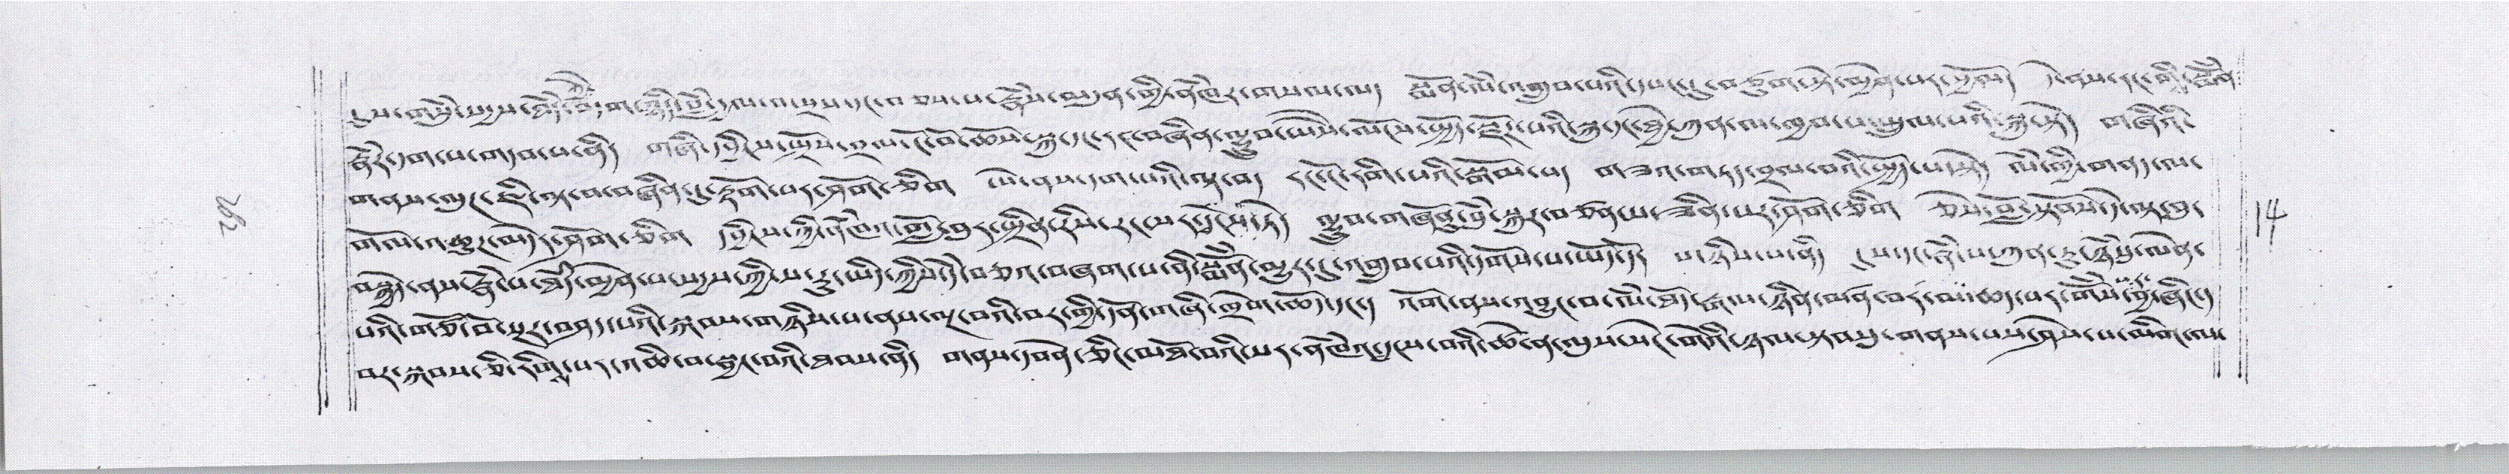དུས་གསུམ་སངས་རྒྱས་ཐམས་ཅད་ཀྱི་བདག་ཉིད་བླ་མ་རྒྱལ་བ་སྲས་དང་བཅས་པ་རྣམས་མདུན་གྱི་ནམ་མཁར་གསལ་ལ། སྨོན་ལམ་འགྲུབ་པའི་དཔང་དུ་བཙུག་སྟེ་མཁྱེན་པར་གསོལ། དེ་ནས་རང་གིས་སྨོན་ལམ་
རྣམ་པར་དག་པ་གདབ་པ་ནི། གཞི་དབྱིངས་སྤྲོས་བྲལ་ངོ་བོ་ཆོས་སྐུ་དང་རང་བཞིན་ལྷུན་གྲུབ་ཡེ་ཤེས་ལོངས་སྤྱོད་རྫོགས་པའི་སྐུ་དང་ཐུགས་རྗེ་ཀུན་ལ་ཁྱབ་པ་སྤྲུལ་པའི་སྐུ་སྟེ། གཞིའི་
གནས་ལུགས་ཇི་ལྟ་བ་བཞིན་དུ་རྟོག་པར་ཤོག་ཅིག ཡེ་ནས་དག་པའི་ལྟ་བ། རང་ངོ་རིག་པའི་སྒོམ་པ། གཟའ་གཏད་བྲལ་བའི་སྤྱོད་པ་སྟེ། ལམ་གྱི་གནད་ལ་
གོལ་འཆུགས་མེད་པར་ཤོག་ཅིག དབྱིངས་ཀྱི་ནམ་མཁའ་གློ་བུར་སྤྲིན་རིས་རང་སར་དྭེངས་ཏེ། ལྷུན་གྲུབ་གཞོན་ནུ་བུམ་སྐུར་བཙན་ས་ཟིན་པར་ཤོག་ཅིག ཅེས་བློ་སྟོབས་དེ་ལྟ་བུ་
བསྐྱེད་ནས་རྣམ་པ་ཐམས་མཁྱེན་པ་སངས་རྒས་ཀྱི་ས་རུ་ཡིད་ཀྱིས་དམ་བཅའ་བཞག་པ་ནི་སྨོན་ལམ་མྱུར་དུ་འགྲུབ་པའི་དགོས་པ་ཡོད་དོ། གཉིས་པ་ནི། དུས་དང་རྣམ་པ་ཀུན་ཏུ་ཉམས་སུ་ལེན་
པའི་གཙོ་བོ་སྔར་བཤད་པའི་སྐབས་གཉིས་པ་ནས་ལྔ་པའི་བར་གྱི་དོན་གཞི་ཁྲེག་ཆོད་དང། འོག་ནས་འབྱུང་བ་ལམ་ཐོད་རྒལ་ཉིན་མཚན་བར་མ་ཆད་པར་གོམས་པར་བྱ་ཞིང་
བར་སྐབས་ཅི་རིགས་པར་འཆི་བ་སྦྱང་བའི་ཐབས་ནི། གནས་དབེན་ཅིང་མཐོ་བའི་སར་ནམ་མཁའ་དྭངས་བའི་ཚེ་ན་ལུས་སེང་གེའི་ཉམས་སྟབས་སུ་གནས་པས་ཤེས་པ་མིག་ལ་